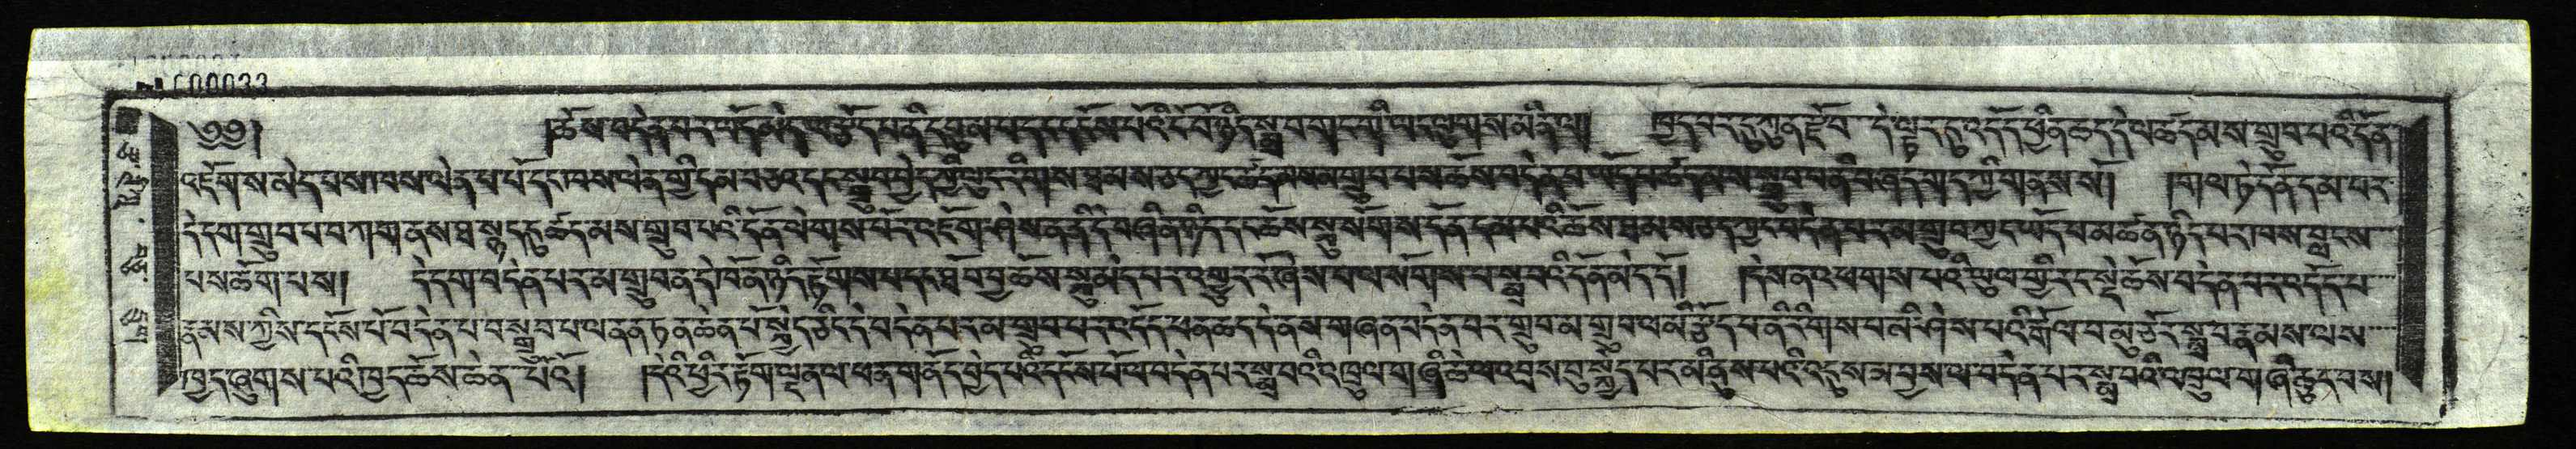༄༅། །ཆོས་བདེན་པར་ཡོད་མེད་ལ་རྩོད་པ་ནི་དབུ་མ་པ་དང་དངོས་པོའི་ངོ་བོ་ཉིད་སྨྲ་བ་གང་གི་ཡང་ལུགས་མིན་ལ། ཁྱད་པར་དུ་ཀུན་རྫོབ་དེ་ལྟར་དུ་འདོད་ཕྱིན་ཆད་དེ་ལ་ཚད་མས་གྲུབ་པའི་དོན་
འཇོགས་མེད་པས་ཁས་ལེན་པ་པོ་དང་ཁས་ལེན་གྱི་དམ་བཅའ་དང་སྒྲུབ་བྱེད་ཀྱི་ལུང་རིགས་ཐམས་ཅད་ཀྱང་ཚད་བསམ་གྲུབ་པས་ཆོས་བདེན་པ་ཡོད་པ་ཚད་མས་སྒྲུབ་པ་ནི་བཞད་གད་ཀྱི་གནས་སོ། །གལ་ཏེ་དོན་དམ་པར་
དེ་དག་གྲུབ་པ་བཀག་ནས་ཐ་སྙད་དུ་ཚད་མས་གྲུབ་པའི་དོན་ལེགས་པོར་འཇོག་ཤེས་ན་ནི་དེ་བཞིན་ཉིད་དང་ཆོས་སྐུ་སོགས་དོན་དམ་པའི་ཆོས་ཐམས་ཅད་ཀྱང་བདེན་པར་མ་གྲུབ་ཀྱང་ཡོད་པ་མཚན་ཉིད་པར་ཁས་བླངས་
པས་ཆོག་པས། དེ་དག་བདེན་པར་མ་གྲུབ་ན་དེ་ཁོ་ན་ཉིད་རྟོགས་པ་དང་ཐོབ་བྱ་ཆོས་སྐུ་མེད་པར་འགྱུར་རོ་ཞེས་པ་ལ་སོགས་པ་སྨྲ་བའི་དོན་མེད་དོ། །དེས་ན་འཕགས་པའི་ཡུལ་གྱི་རང་སྡེ་ཆོས་བདེན་པར་འདོད་པ་
རྣམས་ཀྱིས་དངོས་པོ་བདེན་པ་བསྒྲུབ་པ་ལ་ནན་ཏན་ཆེན་པོ་སྐྱེད་ཅིང་དེ་བདེན་པར་མ་གྲུབ་པར་འདོད་ཕན་ཆད་དེ་ནས་གཞན་བདེན་བར་གྲུབ་ལ་མི་རྩོད་པ་ནི་རིགས་པ་མི་ཤེས་པའི་རྒོལ་བ་མུ་ཅོར་སྨྲ་བ་རྣམས་ལས་
ཁྱད་ཞུགས་པའི་ཁྱད་ཆོས་ཆེན་པོའོ། །དེའི་ཕྱིར་རྟོག་ལྡན་ལ་ཕན་གནོད་བྱེད་པའི་དངོས་པོ་ལ་བདེན་པར་སྨྲ་པའི་འཁྲུལ་གཞི་ཆེ་ལ་འབྲས་བུ་སྐྱེད་པར་མི་ནུས་པའི་འདུས་མ་བྱས་ལ་བདེན་པར་སྨྲ་བའི་འཁྲུལ་གཞི་ཆུད་བས།